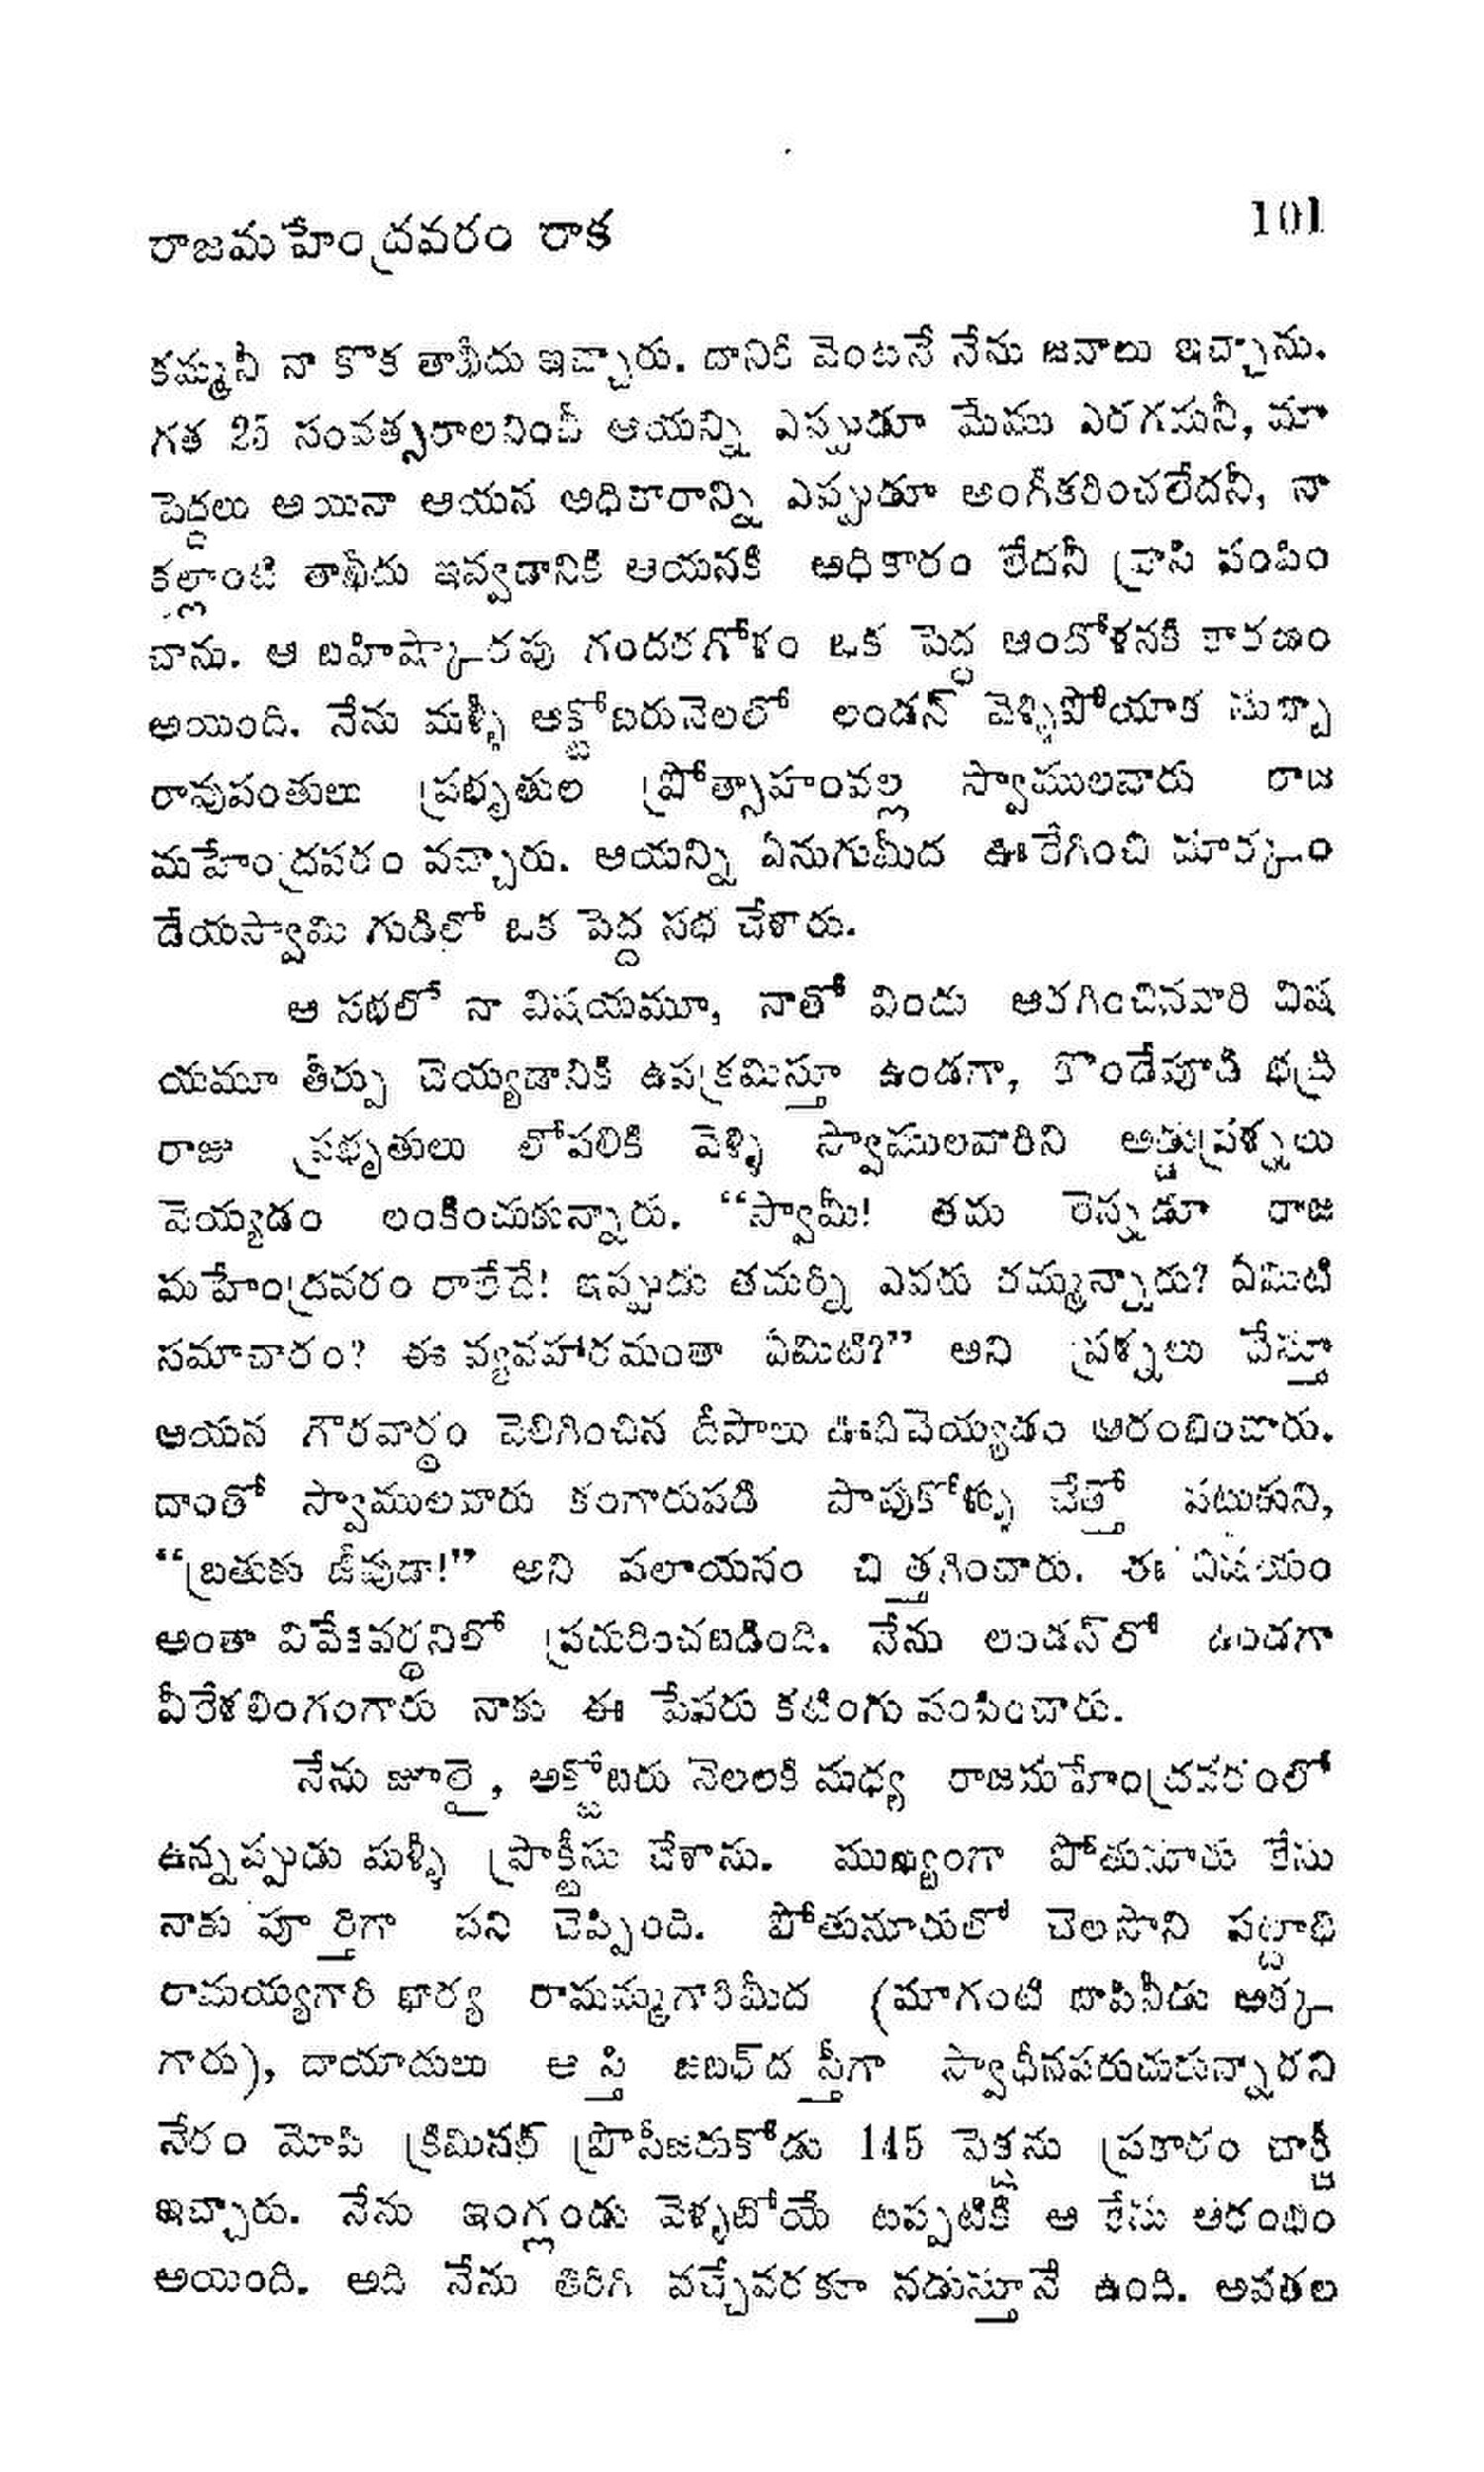కమ్మనీ నా కొక తాఖీదు ఇచ్చారు. దానికి వెంటనే నేను జవాబు ఇచ్చాను. గత 25 సంవత్సరాలనించీ ఆయన్ని ఎప్పుడూ మేము ఎరగమనీ, మా పెద్దలు అయినా ఆయన అధికారాన్ని ఎప్పుడూ అంగీకరించలేదనీ, నా కల్లాంటి తాఖీదు ఇవ్వడానికి ఆయనకి అధికారం లేదనీ వ్రాసి పంపించాను. అ బహిష్కారపు గందరగోళం ఒక పెద్ద ఆందోళనకి కారణం అయింది. నేను మళ్ళీ అక్టోబరునెలలో లండన్ వెళ్ళిపోయాక సుబ్బారావుపంతులు ప్రభృతుల ప్రోత్సాహంవల్ల స్వాములవారు రాజమహేంద్రవరం వచ్చారు. ఆయన్ని ఏనుగుమీద ఊరేగించి మార్కండేయస్వామి గుడిలో ఒక పెద్ద సభ చేశారు.

ఆ సభలో నా విషయమూ, నాతో విందు ఆరగించినవారి విషయమూ తీర్పు చెయ్యడానికి ఉపక్రమిస్తూ ఉండగా, కొండేపూడి భద్రిరాజు ప్రభృతులు లోపలికి వెళ్ళి స్వాములవారిని అడ్డుప్రశ్నలు వెయ్యడం లంకించుకున్నారు. "స్వామీ! తమ రెన్నడూ రాజమహేంద్రవరం రాలేదే! ఇప్పుడు తమర్ని ఎవరు రమ్మన్నారు? ఏమిటి సమాచారం? ఈ వ్యవహారమంతా ఏమిటి?" అని ప్రశ్నలు వేస్తూ ఆయన గౌరవార్థం వెలిగించిన దీపాలు ఊదివెయ్యడం ఆరంభించారు. దాంతో స్వాములవారు కంగారుపడి పావుకోళ్ళు చేత్తో పట్టుకుని, "బ్రతుకు జీవుడా!" అని పలాయనం చిత్తగించారు. ఈ విషయం అంతా వివేకవర్థనిలో ప్రచురించబడింది. నేను లండన్‌లో ఉండగా వీరేశలింగంగారు నాకు ఈ పేపరు కటింగు పంపించారు.

నేను జూలై, అక్టోబరు నెలలకి మధ్య రాజమహేంద్రవరంలో ఉన్నప్పుడు మళ్ళీ ప్రాక్టీసు చేశాను. ముఖ్యంగా పోతునూరు కేసు నాకు పూర్తిగా పని చెప్పింది. పోతునూరులో చెలసాని పట్టాభిరామయ్యగారి భార్య రామమ్మగారిమీద (మాగంటి బాపినీడు అక్కగారు), దాయాదులు ఆస్తి జబర్‌దస్తీగా స్వాధీనపరుచుకున్నారని నేరం మోపి క్రిమినల్ ప్రొసీజరుకోడు 145 సెక్షను ప్రకారం చార్జీ ఇచ్చారు. నేను ఇంగ్లండు వెళ్ళబోయే టప్పటికి అ కేసు ఆరంభం అయింది. అది నేను తిరిగి వచ్చేవరకూ నడుస్తూనే ఉంది. అవతల